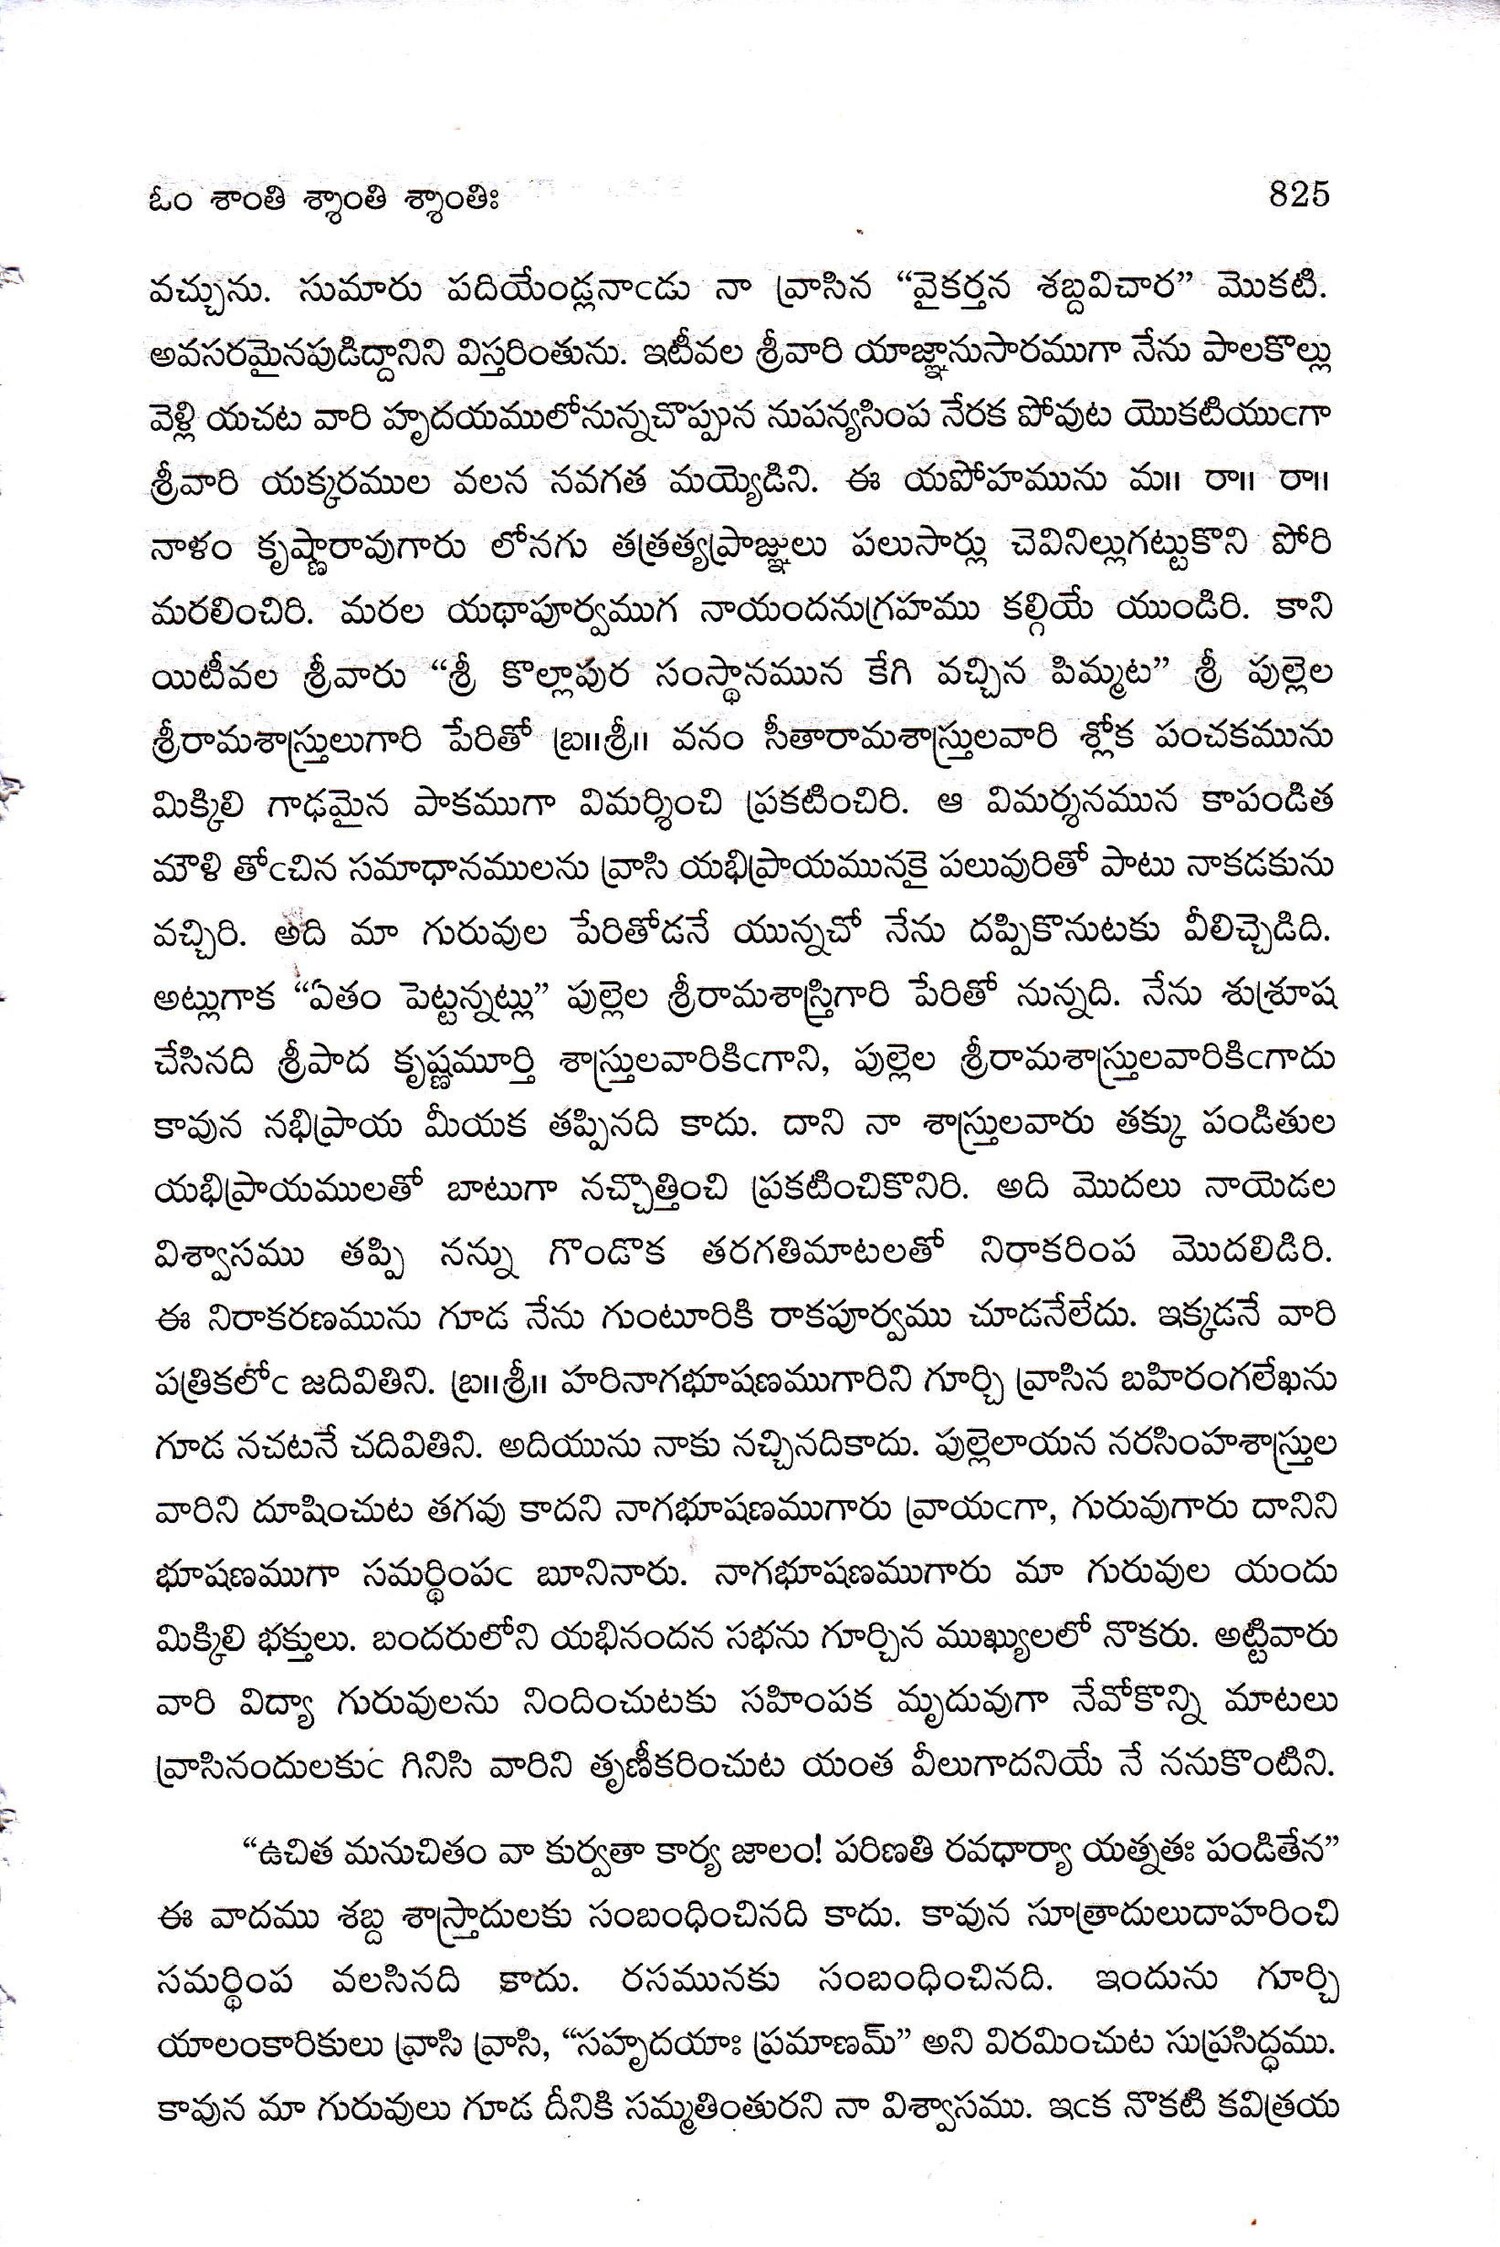వచ్చును. సుమారు పదియేండ్లనాఁడు నా వ్రాసిన “వైకర్తన శబ్దవిచార’ మొకటి. అవసరమైనపుడిద్దానిని విస్తరింతును. ఇటీవల శ్రీవారి యాజ్ఞానుసారముగా నేను పాలకొల్లు వెళ్లి యచట వారి హృదయములోనున్నచొప్పున నుపన్యసింప నేరక పోవుట యొకటియుఁగా శ్రీవారి యక్కరముల వలన నవగత మయ్యెడిని. ఈ యపోహమును మII రాII రా|| నాళం కృష్ణారావుగారు లోనగు తత్రత్యప్రాజ్ఞులు పలుసార్లు చెవినిల్లుగట్టుకొని పోరి మరలించిరి. మరల యధాపూర్వముగ నాయందనుగ్రహము కల్గియే యుండిరి. కాని యిటీవల శ్రీవారు "శ్రీ కొల్లాపుర సంస్థానమున కేగి వచ్చిన పిమ్మట" శ్రీ పుల్లెల శ్రీరామశాస్త్రులుగారి పేరితో బ్ర||శ్రీ|| వనం సీతారామశాస్త్రులవారి శ్లోక పంచకమును మిక్కిలి గాఢమైన పాకముగా విమర్శించి ప్రకటించిరి. ఆ విమర్శనమున కాపండిత మౌళి తోఁచిన సమాధానములను వ్రాసి యభిప్రాయమునకై పలువురితో పాటు నాకడకును వచ్చిరి. అది మా గురువుల పేరితోడనే యున్నచో నేను దప్పికొనుటకు వీలిచ్చెడిది. అట్లుగాక "ఏతం పెట్టన్నట్లు" పల్లెల శ్రీరామశాస్త్రిగారి పేరితో నున్నది. నేను శుశ్రూష చేసినది శ్రీపాద కృష్ణమూర్తి శాస్త్రులవారికిఁగాని, పుల్లెల శ్రీరామశాస్త్రులవారికిఁగాదు కావున నభిప్రాయ మీయక తప్పినది కాదు. దాని నా శాస్త్రులవారు తక్కు పండితుల యభిప్రాయములతో బాటుగా నచ్చొత్తించి ప్రకటించికొనిరి. అది మొదలు నాయెడల విశ్వాసము తప్పి నన్ను గొండొక తరగతిమాటలతో నిరాకరింప మొదలిడిరి. ఈ నిరాకరణమును గూడ నేను గుంటూరికి రాకపూర్వము చూడనేలేదు. ఇక్కడనే వారి పత్రికలోఁ జదివితిని. బ్ర||శ్రీ|| హరినాగభూషణముగారిని గూర్చి వ్రాసిన బహిరంగలేఖను గూడ నచటనే చదివితిని. అదియును నాకు నచ్చినదికాదు. పల్లెలాయన నరసింహశాస్త్రుల వారిని దూషించుట తగవు కాదని నాగభూషణముగారు వ్రాయఁగా, గురువుగారు దానిని భూషణముగా సమర్ధింపఁ బూనినారు. నాగభూషణముగారు మా గురువుల యందు మిక్కిలి భక్తులు. బందరులోని యభినందన సభను గూర్చిన ముఖ్యులలో నొకరు. అట్టివారు వారి విద్యా గురువులను నిందించుటకు సహింపక మృదువుగా నేవోకొన్ని మాటలు వ్రాసినందులకుఁ గినిసి వారిని తృణీకరించుట యంత వీలుగాదనియే నే ననుకొంటిని.

“ఉచిత మనుచితం వా కుర్వతా కార్య జాలం! పరిణతి రవధార్యా యత్నతః పండితేన” ఈ వాదము శబ్ద శాస్త్రాదులకు సంబంధించినది కాదు. కావున సూత్రాదులుదాహరించి సమర్ధింప వలసినది కాదు. రసమునకు సంబంధించినది. ఇందును గూర్చి యాలంకారికులు వ్రాసి వ్రాసి, “సహృదయాః ప్రమాణమ్” అని విరమించుట సుప్రసిద్ధము. కావున మా గురువులు గూడ దీనికి సమ్మతింతురని నా విశ్వాసము. ఇఁక నొకటి కవిత్రయ